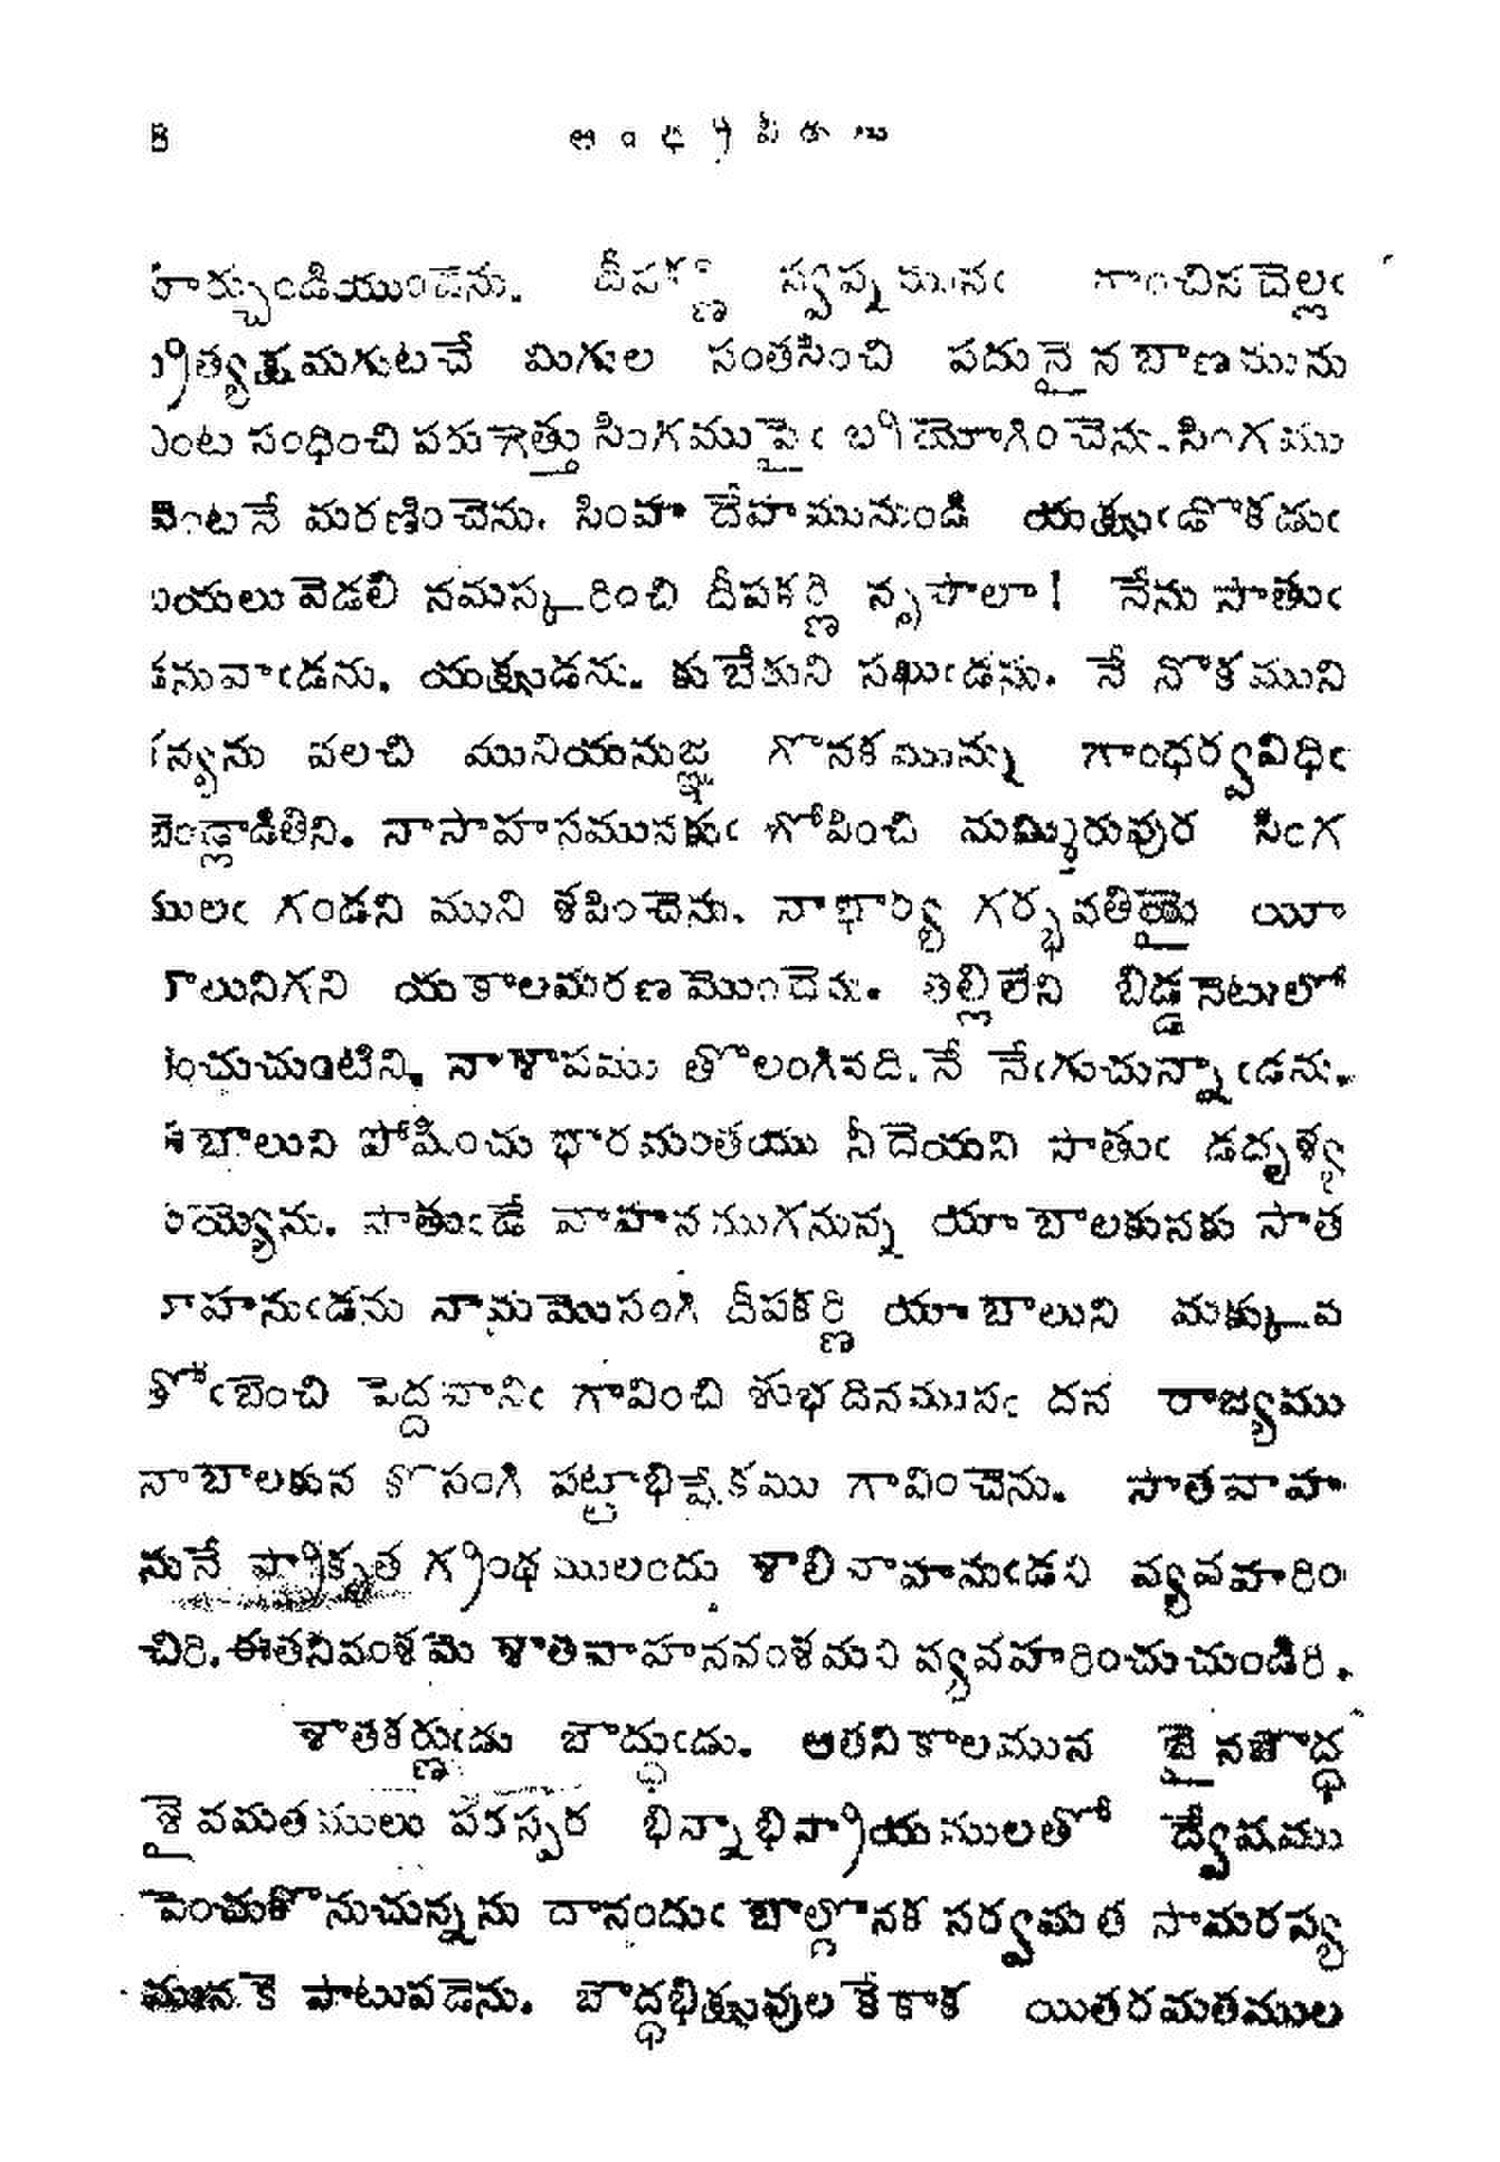కూర్చుండియుండెను. దీపకర్ణి స్వప్నమున గాంచినదెల్ల ప్రత్యక్షమగుటచే మిగుల సంతసించి పదునైన బాణమును వెంట సంధించి పరుగెత్తు సింగముపై బ్రయోగించెను. సింగము వెంటనే మరణించెను. సింహ దేహము నుండి యక్షుడొకడు బయలు వెడలి నమస్కరించి దీపకర్ణి నృపాలా! నేను సాతుడను వాడను. యక్షుడను. కుబేరుని సఖుడను. నే నొకముని కన్యను వలచి మునియనుజ్ఞ గొనకమున్ను గాంధర్వవిధి బెండ్లాడితిని. నాసాహసమునకు గోపించి మమ్మిరువుర సింగముల గండని ముని శపించెను. నాభార్య గర్భవతియై యీ బాలుని గని యకాలమరణ మొందెను. తల్లిలేని బిడ్డనెటులో పెంచుచుంటిని. నాశాపము తొలంగినది. నే నేగుచున్నాడను. ఈబాలుని పోషించు భారమంతయు నీదెయని సాతు డదృశ్యమయ్యెను. సాతుడే వాహనముగనున్న యా బాలకునకు సాతవాహనుడను నామమొసంగి దీపకర్ణి యాబాలుని మక్కువతో బెంచి పెద్దవాని గావించి శుభదినమున దన రాజ్యము నాబాలకున కొసంగి పట్టాభిషేకము గావించెను. సాతవాహనునే ప్రాకృత గ్రంథములందు శాలివాహనుడని వ్యవహరించిరి. ఈతని వంశమె శాతవాహనవంశమని వ్యవహరించుచుండిరి.

శాతకర్ణుడు బౌద్ధుడు. అతనికాలమున జైనబౌద్ధ శైవమతములు పరస్పర భిన్నాభిప్రాయములతో ద్వేషము పెంచుకొనుచున్నను దానందు బాల్గొనక సర్వమత సామరస్యమునకె పాటుపడెను. బౌద్ధభిక్షువులకేకాక యితరమతముల